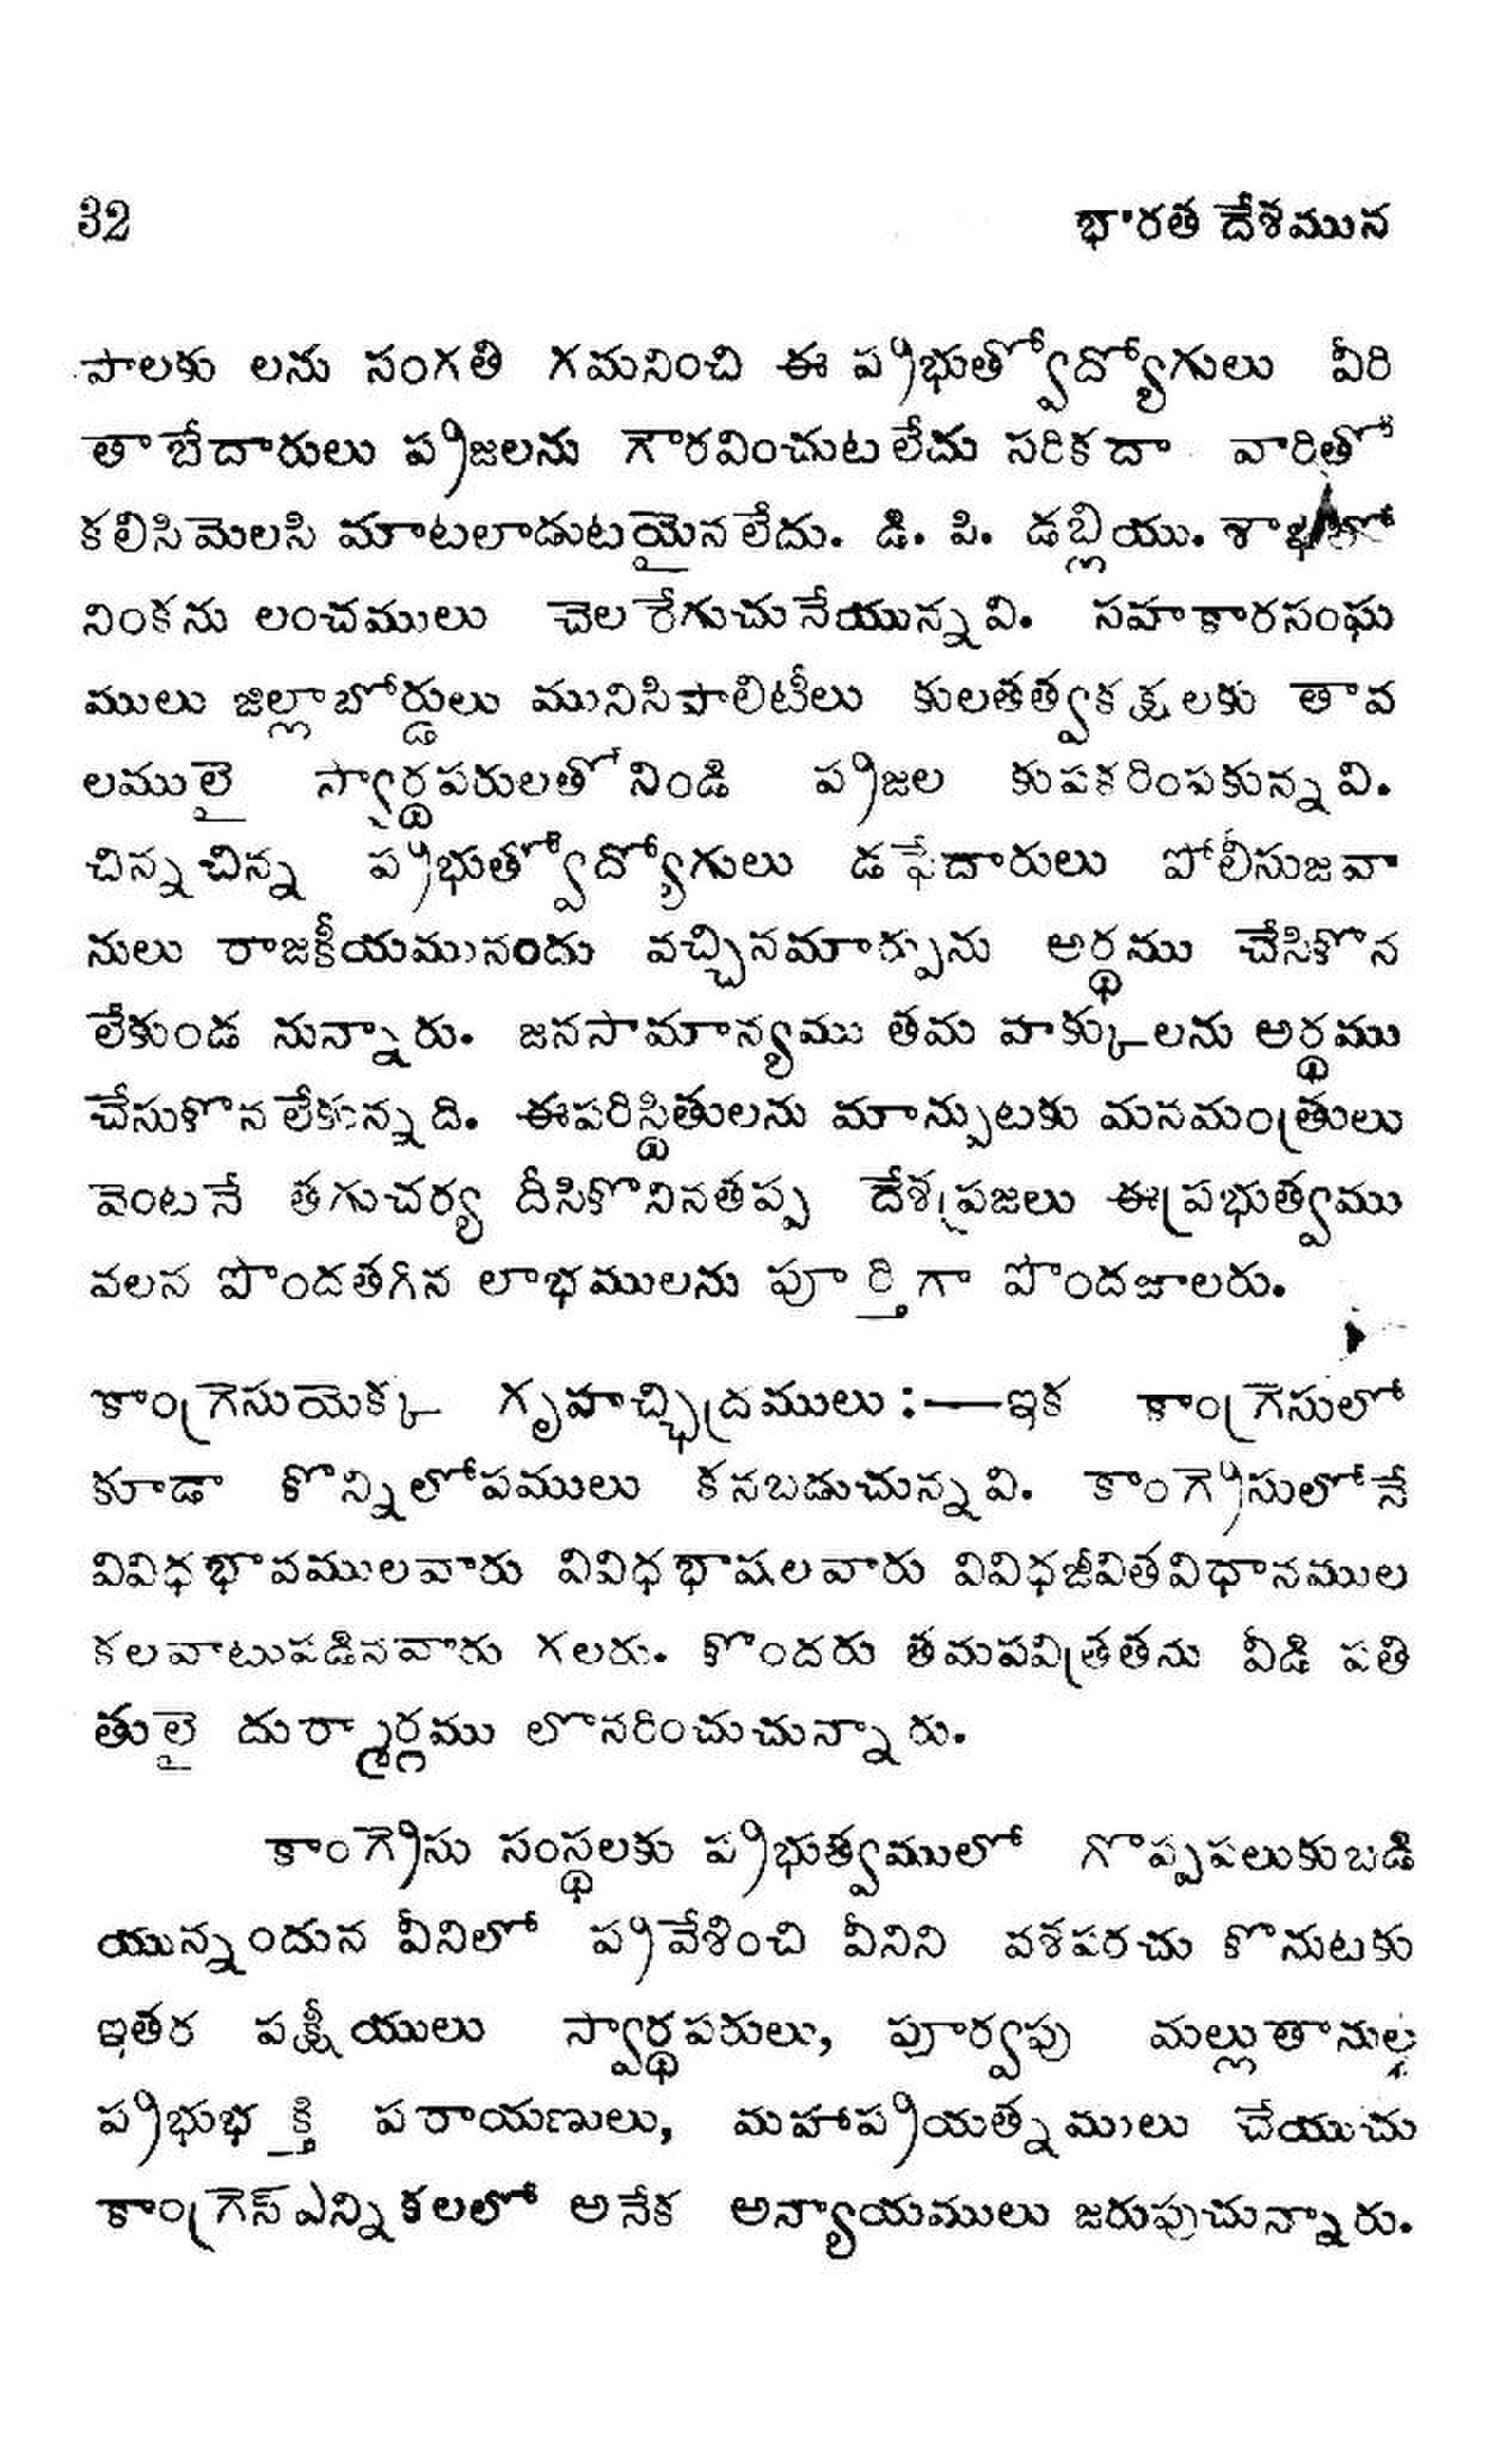పాలకు లను సంగతి గమనించి ఈ ప్రభుత్వోద్యోగులు వీరి తాబేదారులు ప్రజలను గౌరవించుటలేదు సరికదా వారితో కలిసిమెలసి మాటలాడుటయైనలేదు. డి. పి. డబ్లియు. శాఖలో నింకను లంచములు చెలరేగుచునేయున్నవి. సహకారసంఘములు జిల్లా బోర్డులు మునిసిపాలిటీలు కులతత్వకక్షలకు తావలములై స్వార్థపరులతోనిండి ప్రజల కుపకరింపకున్నవి. చిన్న చిన్న ప్రభుత్వోద్యోగులు డఫేదారులు పోలీసుజవానులు రాజకీయమునందు వచ్చినమార్పును అర్ధము చేసికొనలేకుండ నున్నారు. జనసామాన్యము తమ హక్కులను అర్ధము చేసుకొనలేకున్నది. ఈపరిస్థితులను మాన్పుటకు మనమంత్రులు వెంటనే తగుచర్య దీసికొనినతప్ప దేశప్రజలు ఈ ప్రభుత్వము వలన పొందతగిన లాభములను పూర్తిగా పొందజాలరు. 

కాంగ్రెసుయొక్క గృహచ్ఛిద్రములు:- ఇక కాంగ్రెసులోకూడా కొన్నిలోపములు కనబడుచున్నవి. కాంగ్రెసులోనే వివిధభావములవారు వివిధభాషలవారు వివిధజీవితవిధానముల కలవాటుపడినవారు గలరు. కొందరు తమపవిత్రతను వీడి పతితులై దుర్మార్గము లొనరించుచున్నారు.

కాంగ్రెసు సంస్థలకు ప్రభుత్వములో గొప్పపలుకుబడి యున్నందున వీనిలో ప్రవేశించి వీనిని వశపరచు కొనుటకు ఇతర పక్షీయులు స్వార్థపరులు, పూర్వపు మల్లుతానుల ప్రభుభక్తి పరాయణులు, మహాప్రయత్నములు చేయుచు కాంగ్రెస్ ఎన్నికలలో అనేక అన్యాయములు జరుపుచున్నారు.